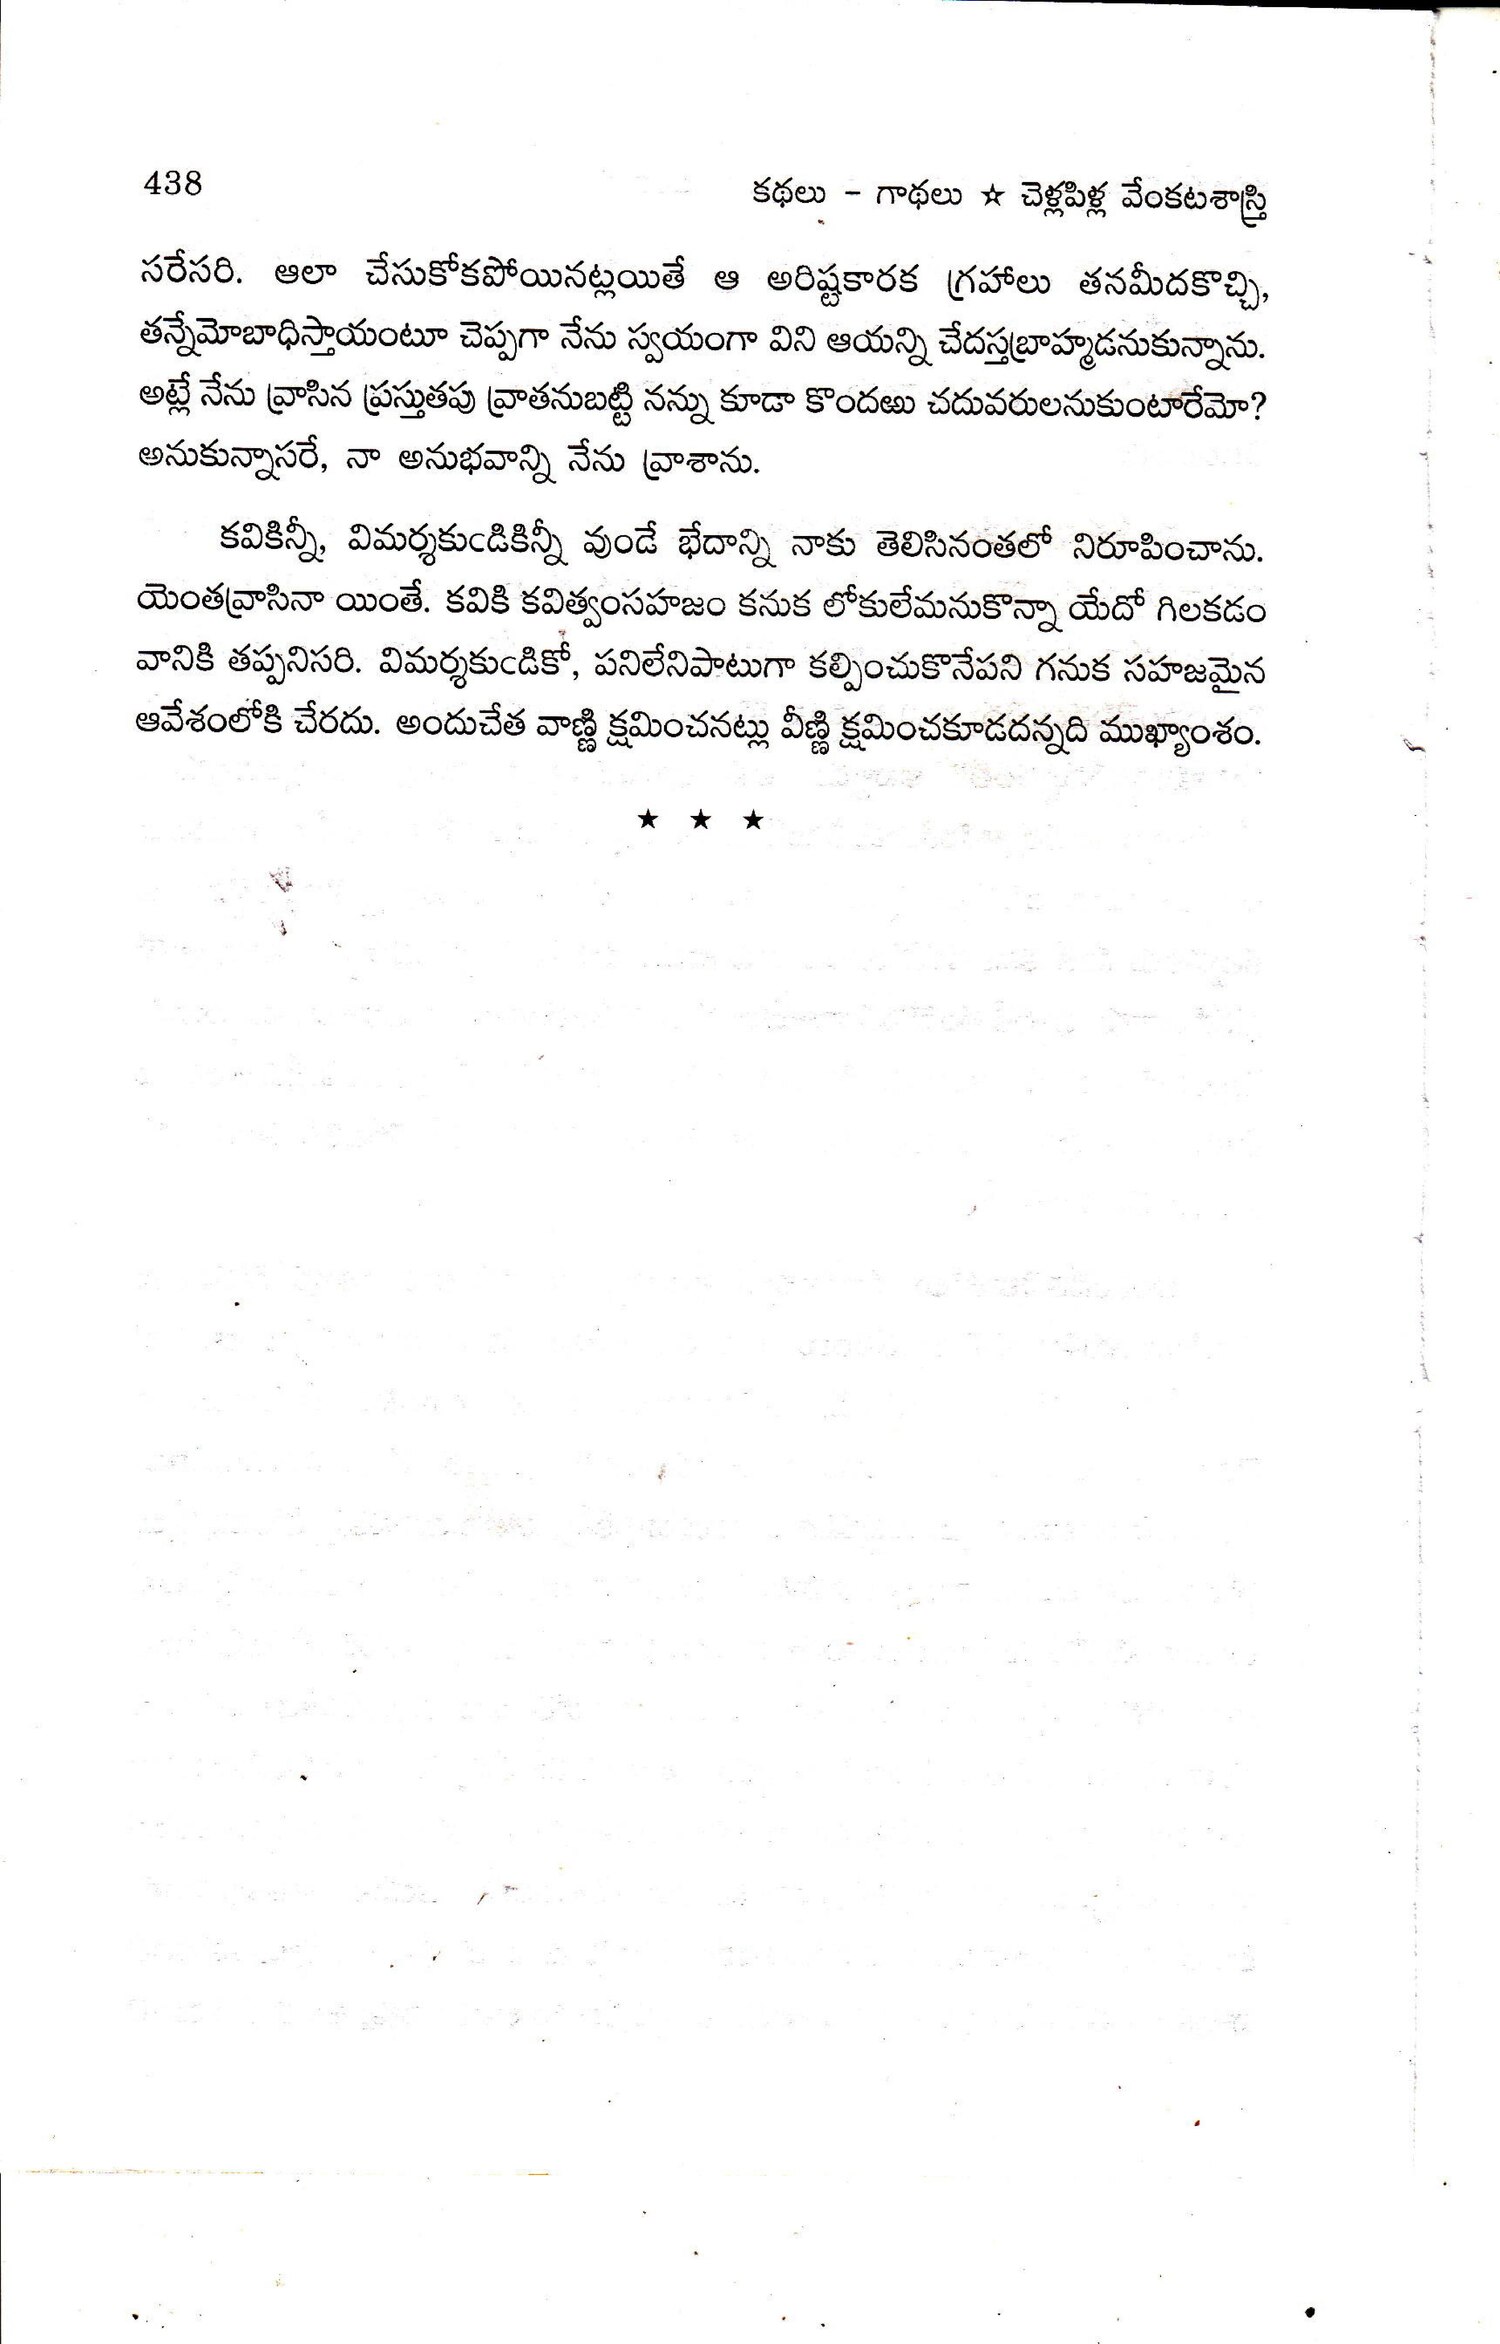సరేసరి. ఆలా చేసుకోకపోయినట్లయితే ఆ అరిష్టకారక గ్రహాలు తనమీదకొచ్చి, తన్నేమోబాధిస్తాయంటూ చెప్పగా నేను స్వయంగా విని ఆయన్ని చేదస్తబ్రాహ్మడనుకున్నాను. అట్లే నేను వ్రాసిన ప్రస్తుతపు వ్రాతనుబట్టి నన్ను కూడా కొందఱు చదువరులనుకుంటారేమో? అనుకున్నాసరే, నా అనుభవాన్ని నేను వ్రాశాను.

కవికిన్నీ విమర్శకుఁడికిన్నీ వుండే భేదాన్ని నాకు తెలిసినంతలో నిరూపించాను. యెంత వ్రాసినా యింతే. కవికి కవిత్వంసహజం కనుక లోకులేమనుకొన్నా యేదో గిలకడం వానికి తప్పనిసరి. విమర్శకుఁడికో, పనిలేనిపాటుగా కల్పించుకొనేపని గనుక సహజమైన ఆవేశంలోకి చేరదు. అందుచేత వాణ్ణి క్షమించనట్లు వీణ్ణి క్షమించకూడదన్నది ముఖ్యాంశం.